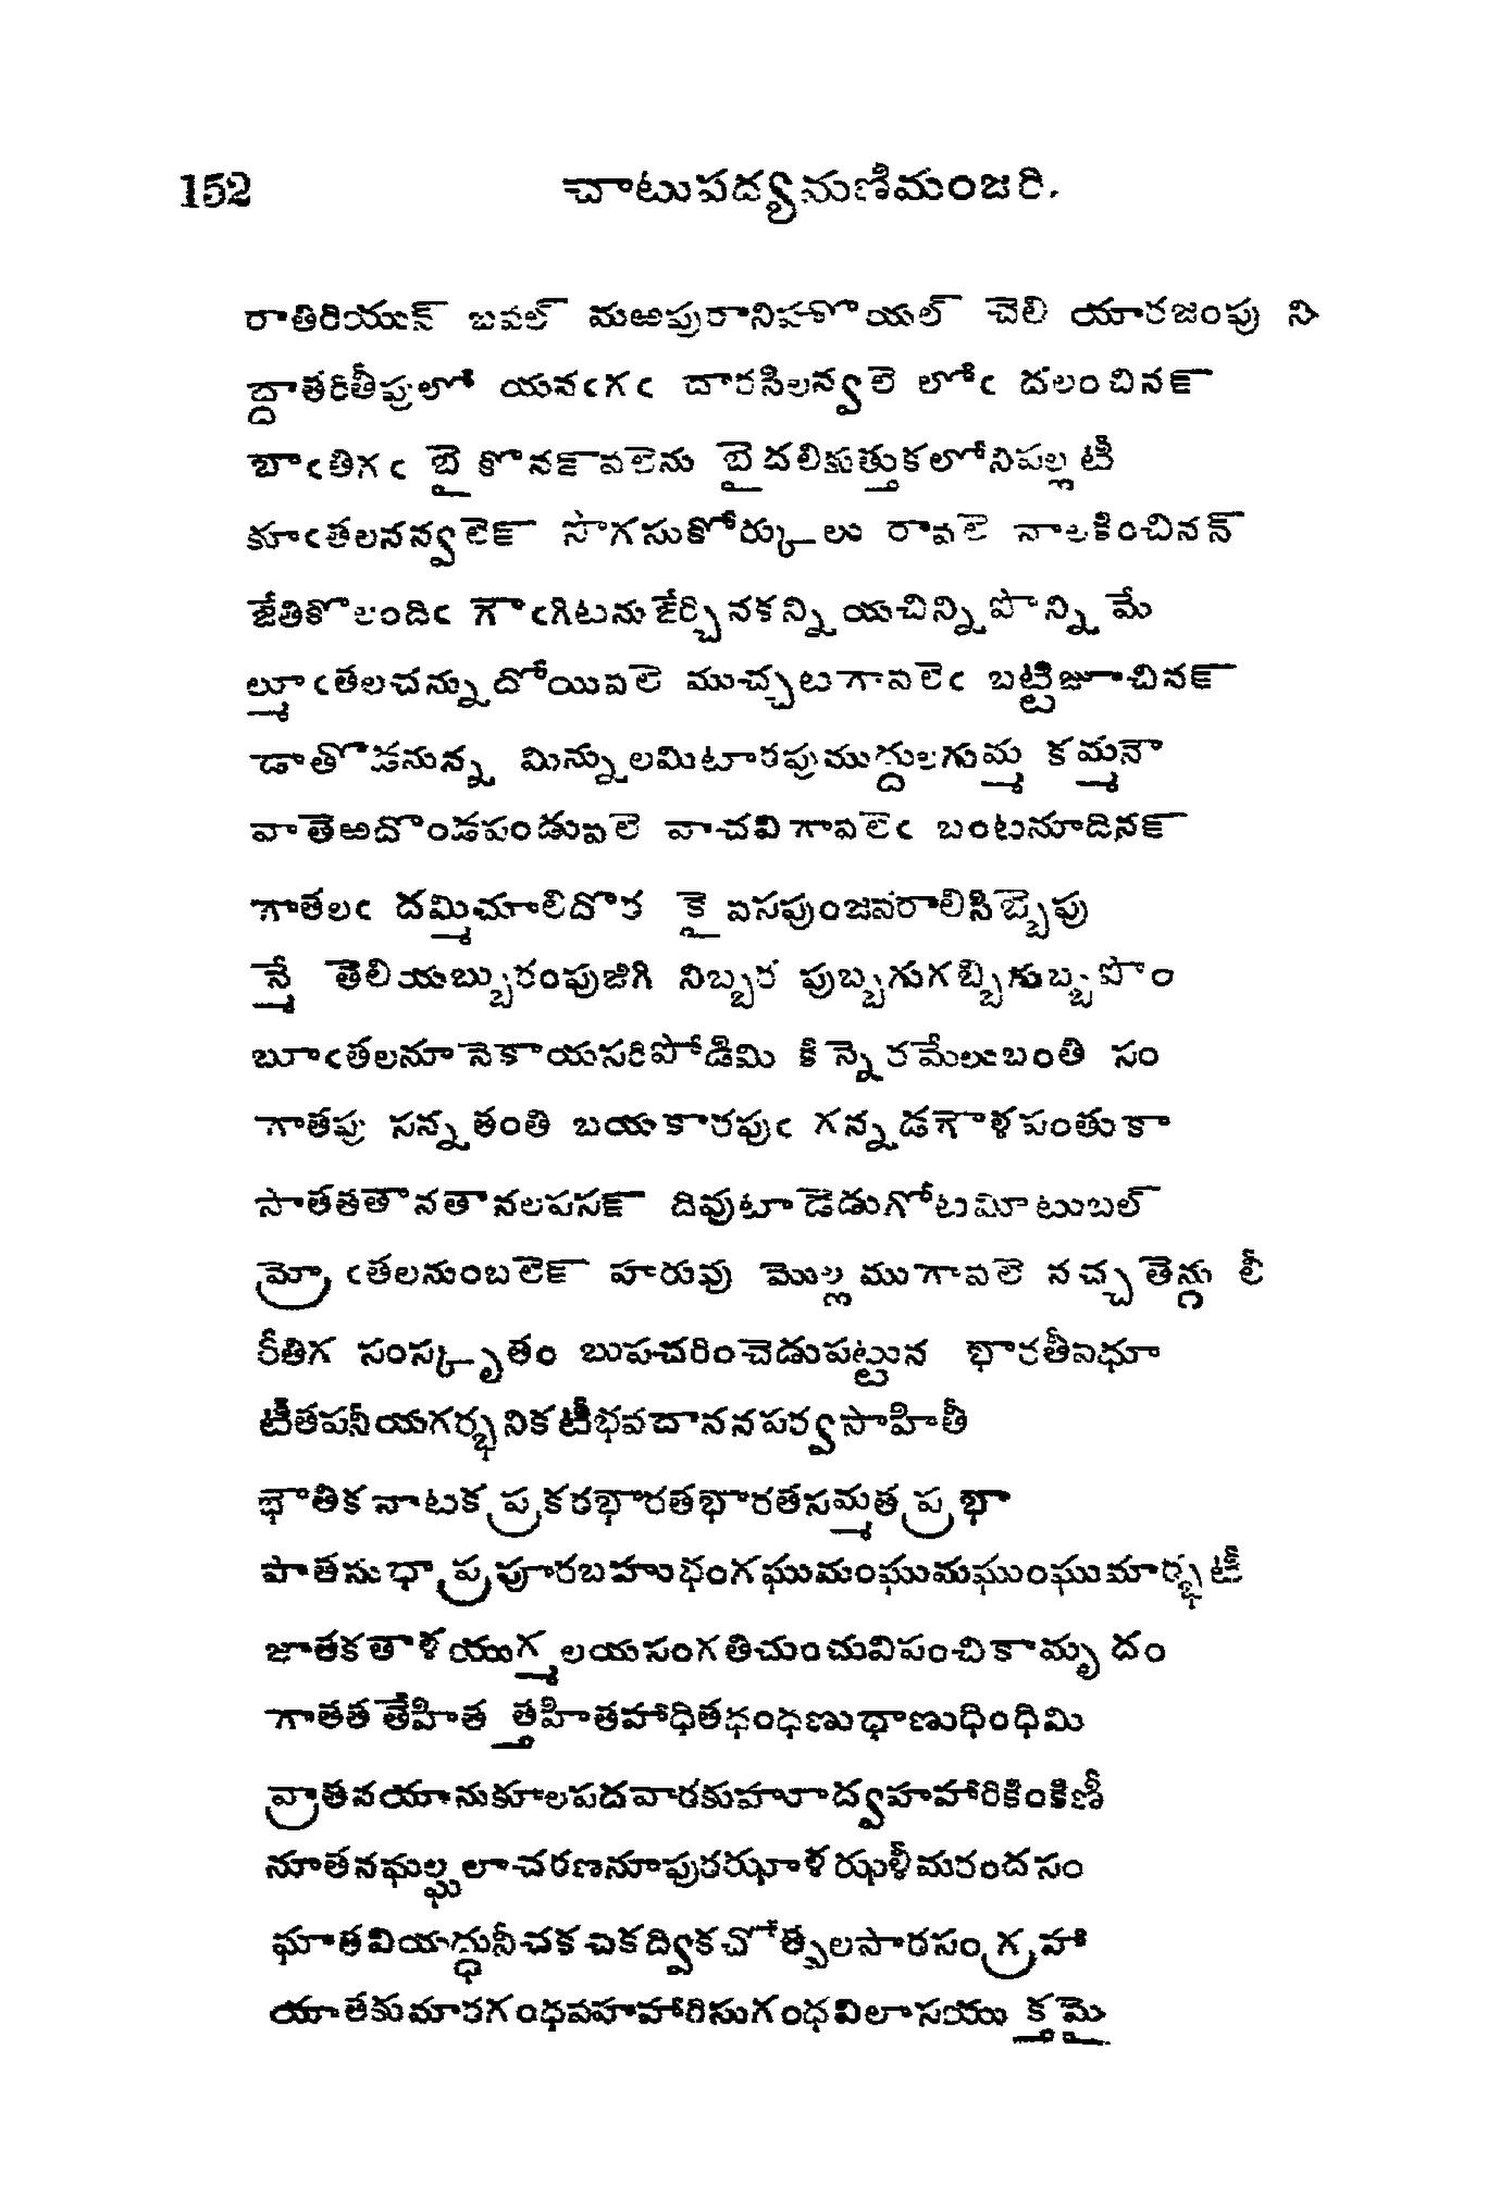రాతిరియున్ బవల్ మఱపురానిహొయల్ చెలి యారజంపు ని
 ద్దాతరితీపులో యనఁగఁ దారసిలన్వలె లోఁ దలంచినన్
 బాఁతిగఁ బైకొనన్ వలెను బైదలికుత్తుకలోనిపల్లటీ
 కూఁతలనన్వలెన్ సొగసుకోర్కులు రావలె నాలకించినన్
 జేతికొలందిఁ గౌఁగిటనుజేర్చినకన్నియచిన్నిపొన్నిమే
 ల్మూఁతలచన్నుదోయివలె ముచ్చటగావలెఁ బట్టిచూచినన్
 డాతొడనున్న మిన్నులమిటారపుముద్దులగుమ్మ కమ్మనౌ
 వాతెఱదొండపండువలె వాచవిగావలెఁ బంటనూదినన్
 గాతలఁ దమ్మచూలిదొర కైవసపుంజవరాలిసిబ్బెపు
 న్మేతెలియబ్బురంపుజిగి నిబ్బర పుబ్బగుగబ్బిగుబ్బపొం
 బూఁతలనూనెకాయసరిపోడిమి కిన్నెరమెట్టుబంతి సం
 గాతపు సన్నతంతి బయకారపుఁ గన్నడగౌళపంతుకా
 సతతతానతానలపసన్ దివుటాడెడుగోటమీటుబల్
 మ్రోఁతలనుంబలెన్ హరువు మొల్లముగావలె నచ్చతెన్గు లీ
 రీతిగ సంస్కృతం బుపచరించెడుపట్టున భారతీవధూ
 టీతపనీయగర్భనికటీభవదాననపర్వసాహితీ
 భౌతికనాటకప్రకరభారతభారతసమ్మతప్రభా
 పాతసుధాప్రపూరబహుభంగఘుమంఘుమఘుంఘుమార్భటీ
 జాతకతాళయుగమలయసంగతిచుంచువిపంచికామృదం
 గాతతతేహితత్తహితహాధితధంధణుధాణుధింధిమి
 వ్రాతనయానుకూలపదవారకుహూద్వహహారికింకిణీ
 నూతనఘల్ఘలాచరణనూపురఝాళఝళీమరందసం
 ఘాతవియద్ధునీచకచకద్వకచోత్పలసారసంగ్రహా
 యాతకుమారగంధవహహారిసుగంధవిలాసయుక్తమై